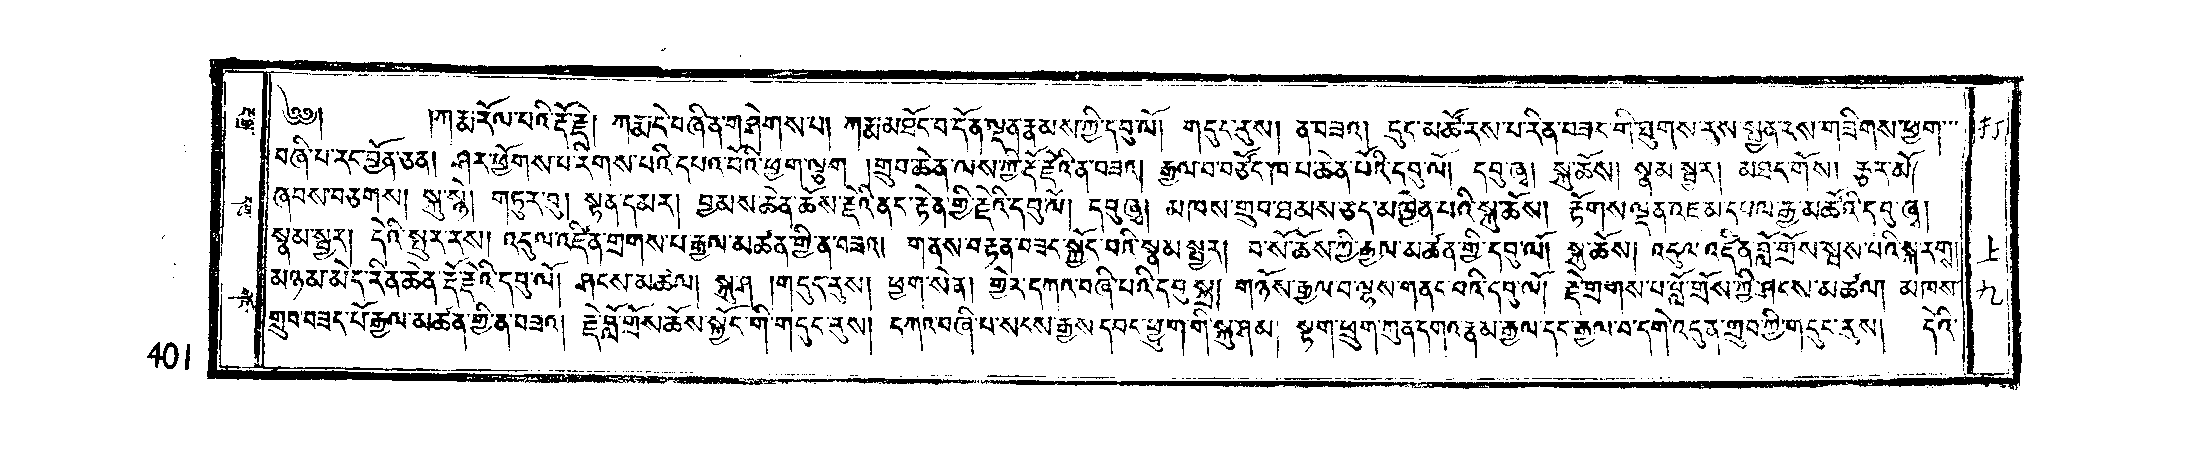༄༅། །ཀརྨ་རོལ་པའི་རྡོ་རྗེ། ཀརྨ་དེ་བཞིན་གཤེགས་པ། ཀརྨ་མཐོང་བ་དོན་ལྡན་རྣམས་ཀྱི་དབུ་ལོ། གདུང་རུས། ན་བཟའ། དུང་མཚོ་རས་པ་རིན་བཟང་གི་ཐུགས་རུས་སྤྱན་རས་གཟིགས་ཕྱག་
བཞི་པ་རང་བྱོན་ཅན། ཤར་ཕྱོགས་པ་རིགས་པའི་དཔའ་བོའི་ཕྱག་ལྕག །གྲུབ་ཆེན་ལས་ཀྱི་རྡོ་རྗེའི་ན་བཟའ། རྒྱལ་བ་བཙོང་ཁ་པ་ཆེན་པོའི་དབུ་ལོ། དབུ་ཞྭ། སྐུ་ཆོས། སྣམ་སྦྱར། མཐང་གོས། རྩར་མོ།
ཞབས་བཅགས། སྐུ་སྙེ། གཏུར་བུ། སྟན་དམར། བྱམས་ཆེན་ཆོས་རྗེའི་ནང་རྟེན་གྱི་རྗེའི་དབུ་ལོ། དབུ་ཞྭ། མཁས་གྲུབ་ཐམས་ཅད་མཁྱེན་པའི་སྐུ་ཆོས། རྟོགས་ལྡན་འཇམ་དཔལ་རྒྱ་མཚོའི་དབུ་ཞྭ།
སྣམ་སྦྱར། དེའི་སྤུར་རས། འདུལ་འཛིན་གྲགས་པ་རྒྱལ་མཚན་གྱི་ན་བཟའ། གནས་བརྟན་བཟང་སྐྱོང་བའི་སྣམ་སྦྱར། བ་སོ་ཆོས་ཀྱི་རྒྱལ་མཚན་གྱི་དབུ་ལོ། སྐུ་ཆོས། འདུལ་འཛིན་བློ་གྲོས་སྦས་པའི་སྐ་རགས།
མཉམ་མེད་རིན་ཆེན་རྡོ་རྗེའི་དབུ་ལོ། ཤངས་མཚལ། སྐུ་ཤ་།གདུང་རུས། ཕྱག་སེན། གྱེར་དཀའ་བཞི་པའི་དབུ་སྐྲ། གཉོས་རྒྱལ་བ་ལྷས་གནང་བའི་དབུ་ལོ། རྗེ་གྲགས་པ་བློ་གྲོས་ཀྱི་ཤངས་མཚལ། མཁས་
གྲུབ་བཟང་པོ་རྒྱལ་མཚན་གྱི་ན་བཟའ། རྗེ་བློ་གྲོས་ཆོས་སྐྱོང་གི་གདུང་རུས། དཀའ་བཞི་པ་སངས་རྒྱས་དབང་ཕྱུག་གི་སྐུ་ཤམ། སྟག་ཕྲུག་ཀུན་དགའ་རྣམ་རྒྱལ་དང་རྒྱལ་བ་དགེ་འདུན་གྲུབ་ཀྱི་གདུང་རུས། དེའི་